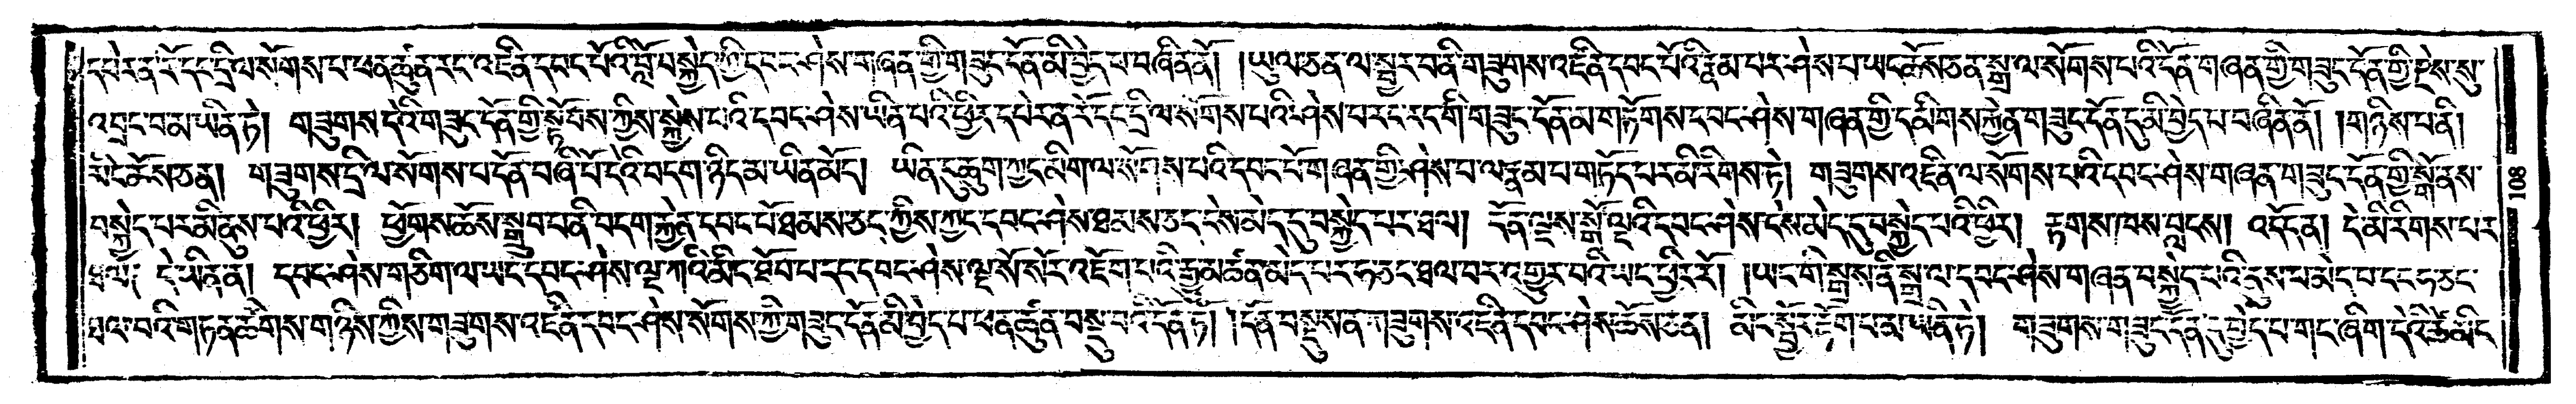དཔེར་ན་རོ་དང་དྲི་ལ་སོགས་པ་ཕན་ཚུན་རང་འཛིན་དབང་པོའི་བློ་བསྐྱེད་ཀྱི་དབང་ཤེས་གཞན་གྱི་གཟུང་དོན་མི་བྱེད་པ་བཞིན་ནོ། །ཡུལ་ཅན་ལ་སྦྱར་བ་ནི་གཟུགས་འཛིན་དབང་པོའི་རྣམ་པར་ཤེས་པ་ཡང་ཆོས་ཅན་སྒྲ་ལ་སོགས་པའི་དོན་གཞན་གྱི་གཟུང་དོན་གྱི་རྗེས་སུ་
འབྲང་བ་མ་ཡིན་ཏེ། གཟུགས་དེའི་གཟུང་དོན་གྱི་སྟོབས་ཀྱིས་སྐྱེས་པའི་དབང་ཤེས་ཡིན་པའི་ཕྱིར་དཔེར་ན་རོ་དང་དྲི་ལ་སོགས་པའི་ཤེས་པ་རང་རང་གི་གཟུང་དོན་མ་གཏོགས་དབང་ཤེས་གཞན་གྱི་དམིགས་རྐྱེན་གཟུང་དོན་དུ་མི་བྱེད་པ་བཞིན་ནོ། །གཉིས་པ་ནི།
མིང་ཆོས་ཅན། གཟུགས་དྲི་ལ་སོགས་པ་དོན་བཞི་པོ་དེའི་བདག་ཉིད་མ་ཡིན་མོད། ཡིན་དུ་ཆུག་ཀྱང་མིག་ལ་སོགས་པའི་དབང་པོ་གཞན་གྱི་ཤེས་པ་ལ་རྣམ་པ་གཏོད་པར་མི་རིགས་ཏེ། གཟུགས་འཛིན་ལ་སོགས་པའི་དབང་ཤེས་གཞན་གཟུང་དོན་གྱི་སྒོ་ནས་
བསྐྱེད་པར་མི་ནུས་པའི་ཕྱིར། ཕྱོགས་ཆོས་སྒྲུབ་པ་ནི་བདག་རྐྱེན་དབང་པོ་ཐམས་ཅད་ཀྱིས་ཀྱང་དབང་ཤེས་ཐམས་ཅད་ངེས་མེད་དུ་བསྐྱེད་པར་ཐལ། དོན་ལྔས་སྒོ་ལྔའི་དབང་ཤེས་ངེས་མེད་དུ་བསྐྱེད་པའི་ཕྱིར། རྟགས་ཁས་བླངས། འདོད་ན། དེ་མི་རིགས་པར་
ཐལ། དེ་ཡིན་ན། དབང་ཤེས་གཅིག་ལ་ཡང་དབང་ཤེས་ལྔ་ཀའི་མིང་ཐོབ་པ་དང་དབང་ཤེས་ལྔ་སོ་སོར་འཇོག་པའི་རྒྱུ་མཚན་མེད་པར་ཧ་ཅང་ཐལ་བར་འགྱུར་པའི་ཡང་ཕྱིར་རོ། །ཡང་གི་སྒྲས་ནི་སྒྲ་ལ་དབང་ཤེས་གཞན་བསྐྱེད་པའི་ནུས་པ་མེད་པ་དང་ཧ་ཅང་
ཐལ་བའི་གཏན་ཚིགས་གཉིས་ཀྱིས་གཟུགས་འཛིན་དབང་ཤེས་སོགས་ཀྱི་གཟུང་དོན་མི་བྱེད་པ་ཕན་ཚུན་བསྡུ་བའི་དོན་ཏོ། །དོན་བསྡུས་ན་གཟུགས་འཛིན་དབང་ཤེས་ཆོས་ཅན། མིང་སྦྱོར་རྟོག་པ་མ་ཡིན་ཏེ། གཟུགས་གཟུང་དོན་དུ་བྱེད་པ་གང་ཞིག་དེའི་ཚེ་མིང་